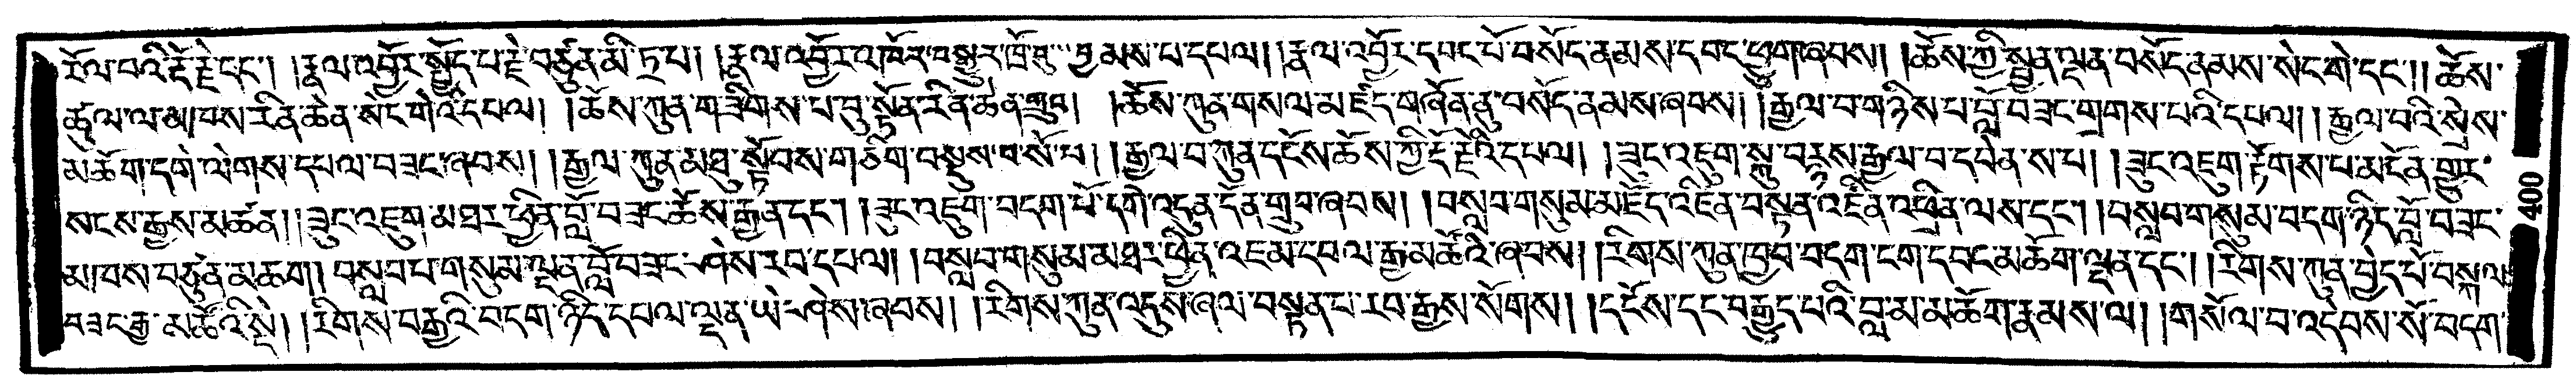རོལ་བའི་རྡོ་རྗེ་དང་། །རྣལ་འབྱོར་སྤྱོད་པ་རྗེ་བཙུན་མི་ཏྲ་པ། །རྣལ་འབྱོར་འཁོར་བསྒྱུར་ཁྲོ་བུ་བྱམས་པ་དཔལ། །རྣལ་འབྱོར་དབང་པོ་བསོད་ནམས་དབང་ཕྱུག་ཞབས། །ཆོས་ཀྱི་སྤྱན་ལྡན་བསོད་ནམས་སེང་གེ་དང་། །ཆོས་
ཚུལ་ལ་མཁས་རིན་ཆེན་སེང་གེའི་དཔལ། །ཆོས་ཀུན་གཟིགས་པ་བུ་སྟོན་རིན་ཆེན་གྲུབ། །ཆོས་ཀུན་གསལ་མཛད་གཞོན་ནུ་བསོད་ནམས་ཞབས། །རྒྱལ་བ་གཉིས་པ་བློ་བཟང་གྲགས་པའི་དཔལ། །རྒྱལ་བའི་སྲེས་
མཆོག་དགེ་ལེགས་དཔལ་བཟང་ཞབས། །རྒྱལ་ཀུན་མཐུ་སྟོབས་གཅིག་བསྡུས་བ་སོ་པ། །རྒྱལ་བ་ཀུན་དངོས་ཆོས་ཀྱི་རྡོ་རྗེའི་དཔལ། །ཟུང་འཇུག་སྐུ་བརྙས་རྒྱལ་བ་དབེན་ས་པ། །ཟུང་འཇུག་རྟོགས་པ་མངོན་གྱུར་
སངས་རྒྱས་མཚན། །ཟུང་འཇུག་མཐར་ཕྱིན་བློ་བཟང་ཆོས་རྒྱན་དང་། །ཟུང་འཇུག་བདག་པོ་དགེ་འདུན་དོན་གྲུབ་ཞབས། །བསླབ་གསུམ་མཛོད་འཛིན་བསྟན་འཛིན་འཕྲིན་ལས་དང་། །བསླབ་གསུམ་བདག་ཉིད་བློ་བཟང་
མཁས་བཙུན་མཆོག །བསླབ་པ་གསུམ་ལྡན་བློ་བཟང་ཤེས་རབ་དཔལ། །བསླབ་གསུམ་མཐར་ཕྱིན་འཇམ་དཔལ་རྒྱ་མཚོའི་ཞབས། །རིགས་ཀུན་ཁྱབ་བདག་ངག་དབང་མཆོག་ལྡན་དང་། །རིགས་ཀུན་བྱེད་པོ་བསྐལ་
བཟང་རྒྱ་མཚོའི་སྡེ། །རིགས་བརྒྱའི་བདག་ཉིད་དཔལ་ལྡན་ཡེ་ཤེས་ཞབས། །རིགས་ཀུན་འདུས་ཞལ་བསྟན་པ་རབ་རྒྱས་སོགས། །དངོས་དང་བརྒྱུད་པའི་བླ་མ་མཆོག་རྣམས་ལ། །གསོལ་བ་འདེབས་སོ་བདག་